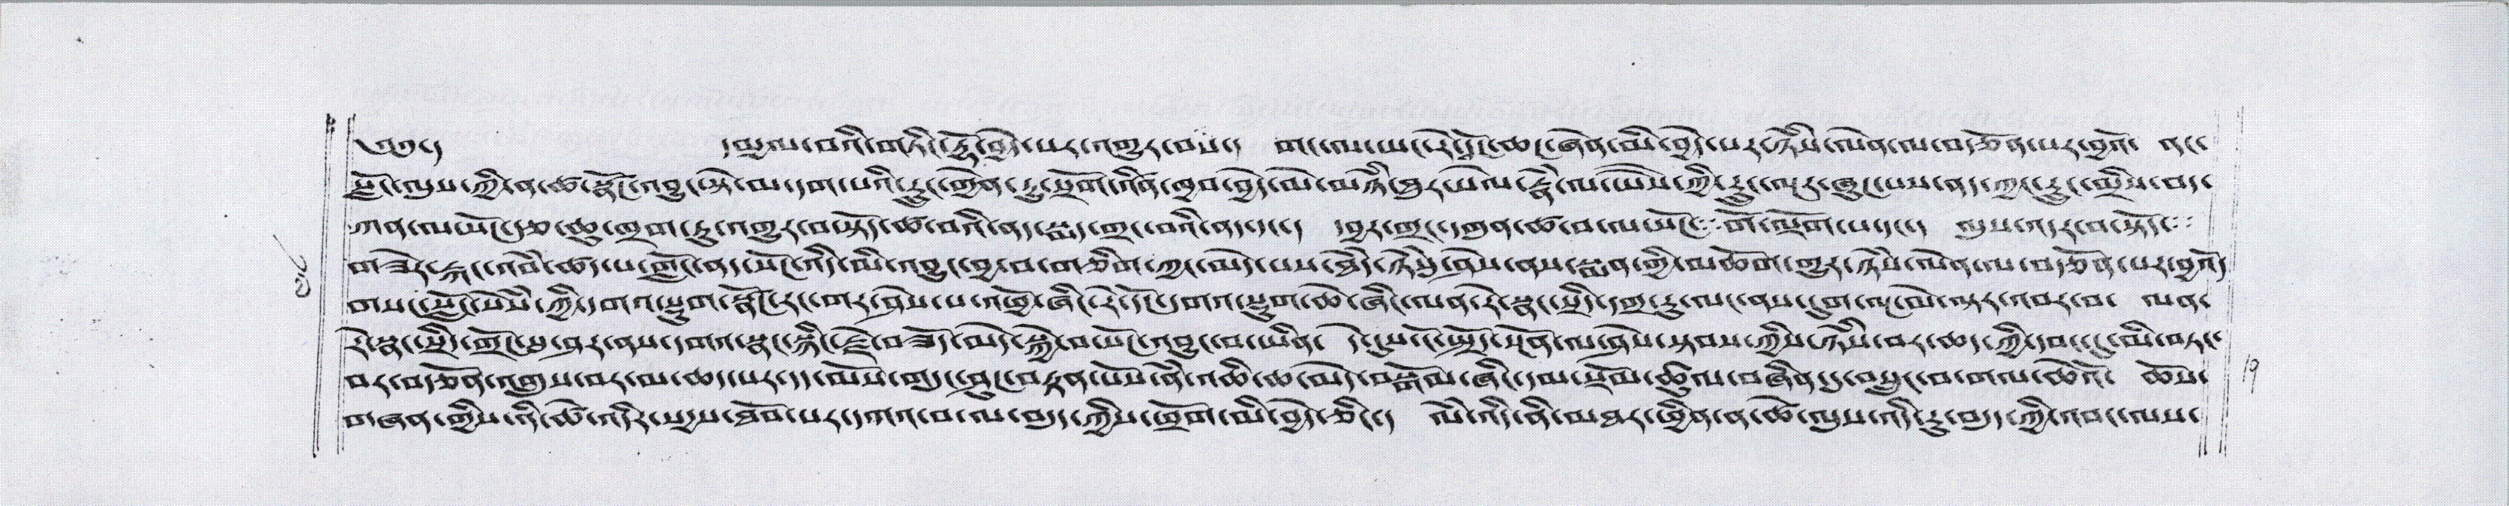དམྱལ་བའི་གཏིང་རྡོ་བྱེད་པར་འགྱུར་བས། གང་ལའང་རེ་དྭོགས་ཆགས་ཞེན་མི་བྱེད་པར་ཉམས་ལེན་ལ་བརྩོན་པར་བྱའོ། ནང་
སློང་ལུས་ཀྱི་ན་ཚ་སྣ་ཚོགས་འབྱུང་སྟེ་མ་དག་པའི་རླུང་གྱེན་རྒྱུ་སྲོག་འཛིན་ཁྱབ་བྱེད་མེ་མཉམ་ཐུར་སེལ་རྣམས་ལ་ཡེ་ཤེས་ཀྱི་རླུང་ལྔར་ཞུགས་པས་ནད་ཀྱང་རླུང་མཁྲིས་བད་
ཀན་ལ་སོགས་རྩ་ཆུ་ཁྲག་ཏུ་འགྱུར་བ་སྟོད་ཚ་བའི་ནད་སྨད་གྲང་བའི་ནད་དང་། དབྱར་གྲང་དགུན་ཚ་བ་ལ་སོགས་གོ་ལྡོག་པ་དང་། ལུས་འདར་བ་སྟོད་
གཟེར་རྐང་འབམ་ཚད་པ་གློ་ནད་སོགས་འདི་མི་འབྱུང་བ་བྱ་བ་གཅིག་ཀྱང་མེད་ཐམས་ཅད་ཉམས་སུ་ཤེས་ནས་སྨན་གྱི་མཆོག་གྱུར་ཉམས་ལེན་ལ་བརྩོན་པར་བྱའོ། 
གསང་སློང་སེམས་ཀྱི་དགའ་སྡུག་སྣ་ཚོགས་རང་གར་ཤེས་པ་འཕྱོ་ཞིང་རེ་དྭོགས་དགའ་སྡུག་ཆེ་ཞིང་ལན་རེ་སྣང་སྲིད་དགྲ་རུ་ལངས་ནས་དུག་ལྔ་མེ་ལྟར་འབར་བ་ལན་
རེ་སྣང་སྲིད་གྲོགས་སུ་ཤར་ནས་དགའ་སྣང་སྙིང་རྗེ་བཟོད་མེད་སྐྱེ་བ་སོགས་འབྱུང་བ་ཡིན། དེ་དུས་ངོ་སྤྲོད་སྔོན་ལ་ཤེས་སྟབས་ཀྱིས་ཉམས་བར་ཆད་ཀྱི་དབང་དུ་མི་བཏང་
བར་བརྩོན་འགྲུས་བར་མ་ཆད་པར་དད་མོས་གདུང་ཤུགས་བརྟན་པོས་ནམ་འཆི་ཆ་མེད་བསྒོམ་ཞིང་དམ་སྡོམ་ཚུལ་བཞིན་དུ་བསྲུང་བ་གལ་ཆེའོ། །ཆོས་
གཞན་གྱིས་ནི་ཚེ་འདིར་སངས་རྒྱས་འཐོབ་པ་དཀའ་བ་ལ་བདུད་ཀྱིས་ཕྲག་དོག་མི་བྱེད་ཅིང་། ལམ་འདི་མཐར་ཕྱིན་ན་ཚེ་ལུས་འདི་རུ་བདུད་ཀྱི་འབངས་ལས་